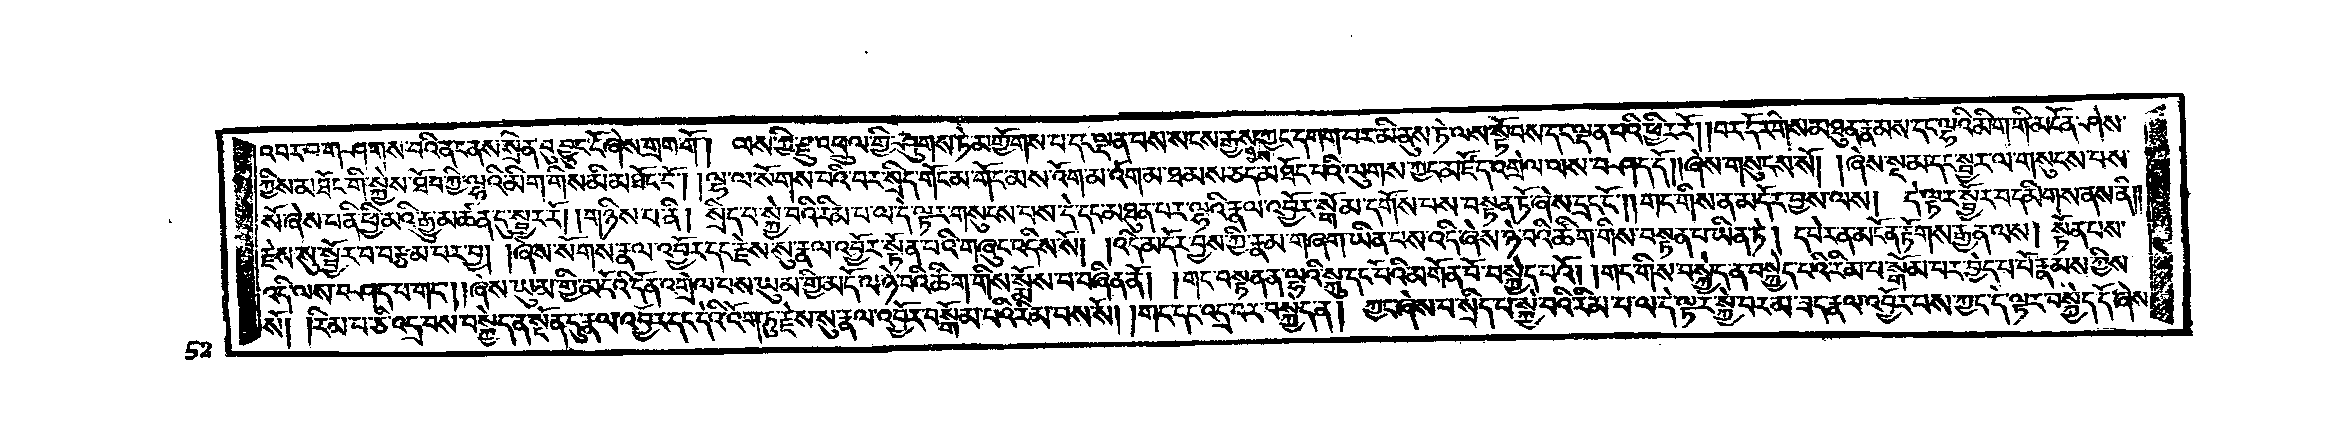འབར་བ་གཤགས་པའི་ནང་ནས་སྲིན་བུ་བྱུང་ངོ་ཞེས་གྲག་གོ །ལས་ཀྱི་རྫུ་འཕྲུལ་གྱི་ཤུགས་ཏེ་མགྱོགས་པ་དང་ལྡན་པས་སངས་རྒྱས་ཀྱིས་ཀྱང་དགག་པར་མི་ནུས་ཏེ་ལས་སྟོབས་དང་ལྡན་པའི་ཕྱིར་རོ། །བར་དོ་རིགས་མཐུན་རྣམས་དང་ལྷའི་མིག་གི་མངོན་ཤེས་
ཀྱིས་མཐོང་གི་སྐྱེས་ཐོབ་ཀྱི་ལྷའི་མིག་གིས་མི་མཐོང་ངོ། །ལྷ་ལ་སོགས་པའི་བར་སྲིད་གོང་མ་གོང་མས་འོག་མ་འོག་མ་ཐམས་ཅད་མཐོང་བའི་ལུགས་ཀྱང་མཛོད་འགྲེལ་ལས་བཤད་དོ། །ཞེས་གསུངས་སོ། །ཞེས་སྔ་མ་དང་སྦྱར་ལ་གསུངས་པས་
སོ་ཞེས་པ་ནི་ཕྱི་མའི་རྒྱུ་མཚན་དུ་སྦྱར་རོ། །གཉིས་པ་ནི། སྲིད་པ་སྐྱེ་བའི་རིམ་པ་ལ་དེ་ལྟར་གསུངས་པས་དེ་དང་མཐུན་པར་ལྷའི་རྣལ་འབྱོར་སྒོམ་དགོས་པས་བསྟན་ཏོ་ཞེས་དྲང་ངོ། །གང་གིས་ན་མདོར་བྱས་ལས། དེ་ལྟར་སྦྱོར་བ་དམིགས་ནས་ནི། །
རྗེས་སུ་སྦྱོར་བ་བརྩམ་པར་བྱ། །ཞེས་སོགས་རྣལ་འབྱོར་དང་རྗེས་སུ་རྣལ་འབྱོར་སྟོན་པའི་གཞུང་འདིས་སོ། །འདི་མདོར་བྱས་ཀྱི་རྣམ་གཞག་ཡིན་པས་འདི་ཞེས་ཉེ་བའི་ཚིག་གིས་བསྟན་པ་ཡིན་ཏེ། དཔེར་ན་མངོན་རྟོགས་རྒྱན་ལས། སྟོན་པས་
འདི་ལས་བཤད་པ་གང་། །ཞེས་ཡུམ་གྱི་མདོའི་དོན་འགྲེལ་པས་ཡུམ་གྱི་མདོ་ལ་ཉེ་བའི་ཚིག་གིས་སྨོས་པ་བཞིན་ནོ། །གང་བསྟན་ན་ལྷའི་སྐུ་དང་པོའི་མགོན་པོ་བསྐྱེད་པའོ། །གང་གིས་བསྐྱེད་ན་བསྐྱེད་པའི་རིམ་པ་སྒོམ་པར་བྱེད་པ་པོ་རྣམས་ཀྱིས་
སོ། །རིམ་པ་ཅི་འདྲ་བས་བསྐྱེད་ན་སྔོན་དུ་རྣལ་འབྱོར་དང་དེའི་འོག་ཏུ་རྗེས་སུ་རྣལ་འབྱོར་བསྒོམ་པའི་རིམ་པས་སོ། །གང་དང་འདྲ་བར་བསྐྱེད་ན། ཀྱང་ཞེས་པ་སྲིད་པ་སྐྱེ་བའི་རིམ་པ་ལ་དེ་ལྟར་སྐྱེ་བར་མ་ཟད་རྣལ་འབྱོར་པས་ཀྱང་དེ་ལྟར་བསྐྱེད་དོ་ཞེས་